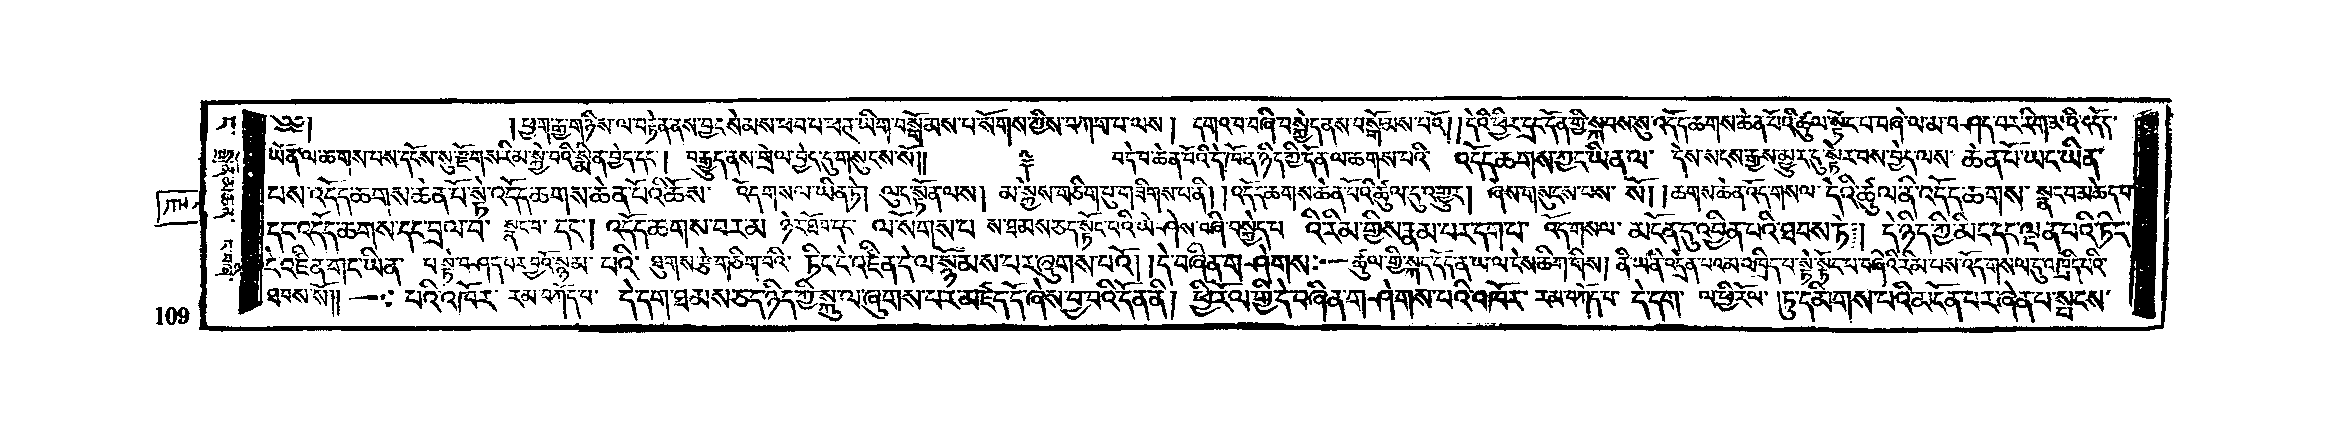༄༅། །ཕྱག་རྒྱ་གཉིས་ལ་བརྟེན་ནས་བྱང་སེམས་ཕབ་པ་ཕཊ་ཡིག་བསྒོམས་པ་སོགས་ཀྱིས་བཀག་པ་ལས། དགའ་བ་བཞི་བསྐྱེད་ནས་བསྒོམས་པའོ། །དེའི་ཕྱིར་དྲང་དོན་གྱི་སྐབས་སུ་འདོད་ཆགས་ཆེན་པོའི་ཚུལ་སྟོང་པ་བཞི་ལ་མ་བཤད་པར་རིག་མའི་འདོད་
ཡོན་ལ་ཆགས་པས་དངོས་སུ་རྫོགས་རིམ་སྐྱེ་བའི་སྨིན་བྱེད་དང་། བརྒྱུད་ནས་གྲིལ་བྱེད་དུ་གསུངས་སོ།།༈ བདེ་བ་ཆེན་པོའི་དེ་ཁོ་ན་ཉིད་ཀྱི་དོན་ལ་ཆགས་པའི་འདོད་ཆགས་ཀྱང་ཡིན་ལ་དེས་སངས་རྒྱས་མྱུར་དུ་སྟེར་བས་བྱེད་ལས་ཆེན་པོ་ཡང་ཡིན་
པས་འདོད་ཆགས་ཆེན་པོ་སྟེ་འདོད་ཆགས་ཆེན་པོའི་ཆོས་འོད་གསལ་ཡིན་ཏེ། ལུང་སྟོན་ལས། མ་སྐྱེས་གཅིག་པུ་གཟིགས་པ་ནི། །འདོད་ཆགས་ཆེན་པོའི་ཚུལ་དུ་འགྱུར། ཞེས་གསུངས་པས་སོ། ། ཆགས་ཆེན་འོད་གསལ་དེའི་ཚུལ་ནི་འདོད་ཆགས་སྣང་བ་མཆེད་པ
དང་འདོད་ཆགས་དང་བྲལ་བ་སྣང་བ་དང་། འདོད་ཆགས་བར་མ་ཉེར་ཐོབ་དང་ལ་སོགས་པ་ས་ཐམས་ཅད་སྟོང་བའི་ཡ་ཤེས་བཞི་བསྐྱེད་པ་འི་རིམ་གྱིས་རྣམ་པར་དག་པ་འོད་གསལ་མངོན་དུ་འབྱིན་པའི་ཐབས་ཏེ། དེ་ཉིད་ཀྱི་མིང་དང་ལྡན་པའི་ཏིང་
ངེ་འཛིན་གང་ཡིན་པ་སྟེ་བཤད་པར་བྱའོ་སྙམ་པའི་ཐུགས་རྩེ་གཅིག་པའི་ཏིང་ངེ་འཛིན་དེ་ལ་སྙོམས་པར་ཞུགས་པའོ། །དེ་བཞིན་གཤེགསཿ་ཚུལ་གྱི་སྐད་དོད་ན་ཡ་ལ་ངེས་ཚིག་གིས། ནི་ཡ་ནི་འདྲེན་པའམ་འཁྲིད་པ་སྟེ་སྟོང་པ་བཞིའི་རིམ་པས་འོད་གསལ་དུ་འཁྲིད་པའི་
ཐབས་སོ།། .Hཔའི་འཁོར་རམ་བཀོད་པ་དེ་དག་ཐམས་ཅད་ཉིད་ཀྱི་སྐུ་ལ་ཞུགས་པར་མཛད་དོ་ཞེས་བྱ་བའི་དོན་ནི། ཕྱི་རོལ་གྱི་དེ་བཞིན་གཤེགས་པའི་འཁོར་རམ་བཀོད་པ་དེ་དག་ལ་ཕྱི་རོལ་ཏུ་དམིགས་པའི་མངོན་པར་ཞེན་པ་སྤངས་